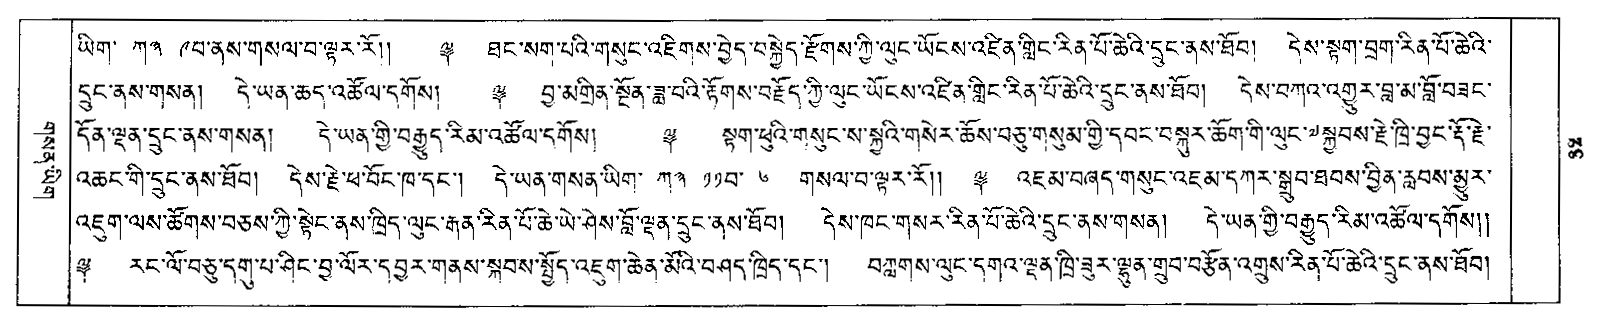ཡིག་ཀ ༣ ༩་བ་ནས་གསལ་བ་ལྟར་རོ།། ༈ ཐང་སག་པའི་གསུང་འཇིགས་བྱེད་བསྐྱེད་རྫོགས་ཀྱི་ལུང་ཡོངས་འཛིན་གླིང་རིན་པོ་ཆེའི་དྲུང་ནས་ཐོབ། དེས་སྟག་བྲག་རིན་པོ་ཆེའི་
དྲུང་ནས་གསན། དེ་ཡན་ཆད་འཚོལ་དགོས། ༈ བྱ་མགྲིན་སྔོན་ཟླ་བའི་རྟོགས་བརྗོད་ཀྱི་ལུང་ཡོངས་འཛིན་གླིང་རིན་པོ་ཆེའི་དྲུང་ནས་ཐོབ། དེས་བཀའ་འགྱུར་བླ་མ་བློ་བཟང་
དོན་ལྡན་དྲུང་ནས་གསན། དེ་ཡན་གྱི་བརྒྱུད་རིམ་འཚོལ་དགོས། ༈ སྟག་ཕུའི་གསུང་ས་སྐྱའི་གསེར་ཆོས་བཅུ་གསུམ་གྱི་དབང་བསྐུར་ཆོག་གི་ལུང་༧་སྐྱབས་རྗེ་ཁྲི་བྱང་རྡོ་རྗེ་
འཆང་གི་དྲུང་ནས་ཐོབ། དེས་རྗེ་ཕ་བོང་ཁ་དང་། དེ་ཡན་གསན་ཡིག་ཀ ༣ ༡༡་བ ༦་གསལ་བ་ལྟར་རོ།། ༈ འཇམ་བཞད་གསུང་འཇམ་དཀར་སྒྲུབ་ཐབས་བྱིན་རླབས་མྱུར་
འཇུག་ལས་ཚོགས་བཅས་ཀྱི་སྟེང་ནས་ཁྲིད་ལུང་རྒན་རིན་པོ་ཆེ་ཡེ་ཤེས་བློ་ལྡན་དྲུང་ནས་ཐོབ། དེས་ཁང་གསར་རིན་པོ་ཆེའི་དྲུང་ནས་གསན། དེ་ཡན་གྱི་བརྒྱུད་རིམ་འཚོལ་དགོས།།
༈ རང་ལོ་བཅུ་དགུ་པ་ཤིང་བྱ་ལོར་དབྱར་གནས་སྐབས་སྤྱོད་འཇུག་ཆེན་མོའི་བཤད་ཁྲིད་དང་། བཀླགས་ལུང་དགའ་ལྡན་ཁྲི་ཟུར་ལྷུན་གྲུབ་བརྩོན་འགྲུས་རིན་པོ་ཆེའི་དྲུང་ནས་ཐོབ།